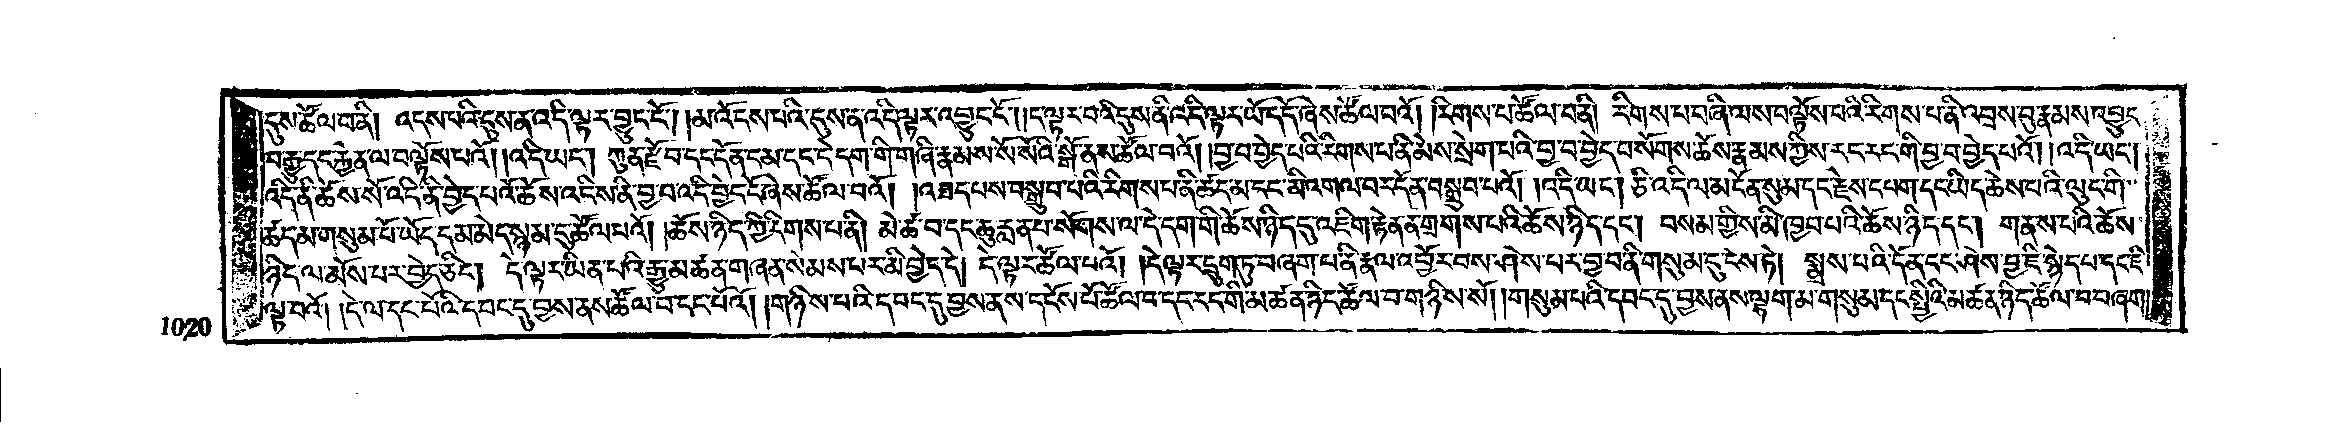དུས་ཚོལ་བ་ནི། འདས་པའི་དུས་ན་འདི་ལྟར་བྱུང་ངོ། །མ་འོངས་པའི་དུས་ན་འདི་ལྟར་འབྱུང་ངོ། །ད་ལྟར་བའི་དུས་ནི་འདི་ལྟར་ཡོད་དོ་ཞེས་ཚོལ་བའོ། །རིགས་པ་ཚོལ་བ་ནི། རིགས་པ་བཞི་ལས་བལྟོས་པའི་རིགས་པ་ནི་འབྲས་བུ་རྣམས་འབྱུང་
བ་རྒྱུ་དང་རྐྱེན་ལ་བལྟོས་པའོ། །འདི་ཡང་། ཀུན་རྫོབ་དང་དོན་དམ་དང་དེ་དག་གི་གཞི་རྣམས་སོ་སོའི་སྒོ་ནས་ཚོལ་བའོ། །བྱ་བ་བྱེད་པའི་རིགས་པ་ནི་མེས་སྲེག་པའི་བྱ་བ་བྱེད་པ་སོགས་ཆོས་རྣམས་ཀྱིས་རང་རང་གི་བྱ་བ་བྱེད་པའོ། །འདི་ཡང་།
འདི་ནི་ཆོས་སོ་འདི་ནི་བྱེད་པའོ་ཆོས་འདིས་ནི་བྱ་བ་འདི་བྱེད་དོ་ཞེས་ཚོལ་བའོ། །འཐད་པས་བསྒྲུབ་པའི་རིགས་པ་ནི་ཚད་མ་དང་མི་འགལ་བར་དོན་བསྒྲུབ་པའོ། །འདི་ཡང་། ཅི་འདི་ལ་མངོན་སུམ་དང་རྗེས་དཔག་དང་ཡིད་ཆེས་པའི་ལུང་གི་
ཚད་མ་གསུམ་པོ་ཡོད་དམ་མེད་སྙམ་དུ་ཚོལ་བའོ། །ཆོས་ཉིད་ཀྱི་རིགས་པ་ནི། མེ་ཚ་བ་དང་ཆུ་རླན་པ་སོགས་ལ་དེ་དག་གི་ཆོས་ཉིད་དུ་འཇིག་རྟེན་ན་གྲགས་པའི་ཆོས་ཉིད་དང་། བསམ་གྱིས་མི་ཁྱབ་པའི་ཆོས་ཉིད་དང་། གནས་པའི་ཆོས་
ཉིད་ལ་མོས་པར་བྱེད་ཅིང་། དེ་ལྟར་ཡིན་པའི་རྒྱུ་མཚན་གཞན་སེམས་པར་མི་བྱེད་དེ། དེ་ལྟར་ཚོལ་བའོ། །དེ་ལྟར་དྲུག་ཏུ་བཞག་པ་ནི་རྣལ་འབྱོར་པས་ཤེས་པར་བྱ་བ་ནི་གསུམ་དུ་ངེས་ཏེ། སྨྲས་པའི་དོན་དང་ཤེས་བྱ་ཇི་སྙེད་པ་དང་ཇི་
ལྟ་བའོ། །དེ་ལ་དང་པོའི་དབང་དུ་བྱས་ནས་ཚོལ་བ་དང་པོའོ། །གཉིས་པའི་དབང་དུ་བྱས་ནས་དངོས་པོ་ཚོལ་བ་དང་རང་གི་མཚན་ཉིད་ཚོལ་བ་གཉིས་སོ། །གསུམ་པའི་དབང་དུ་བྱས་ནས་ལྷག་མ་གསུམ་དང་སྤྱིའི་མཚན་ཉིད་ཚོལ་བ་བཞག་